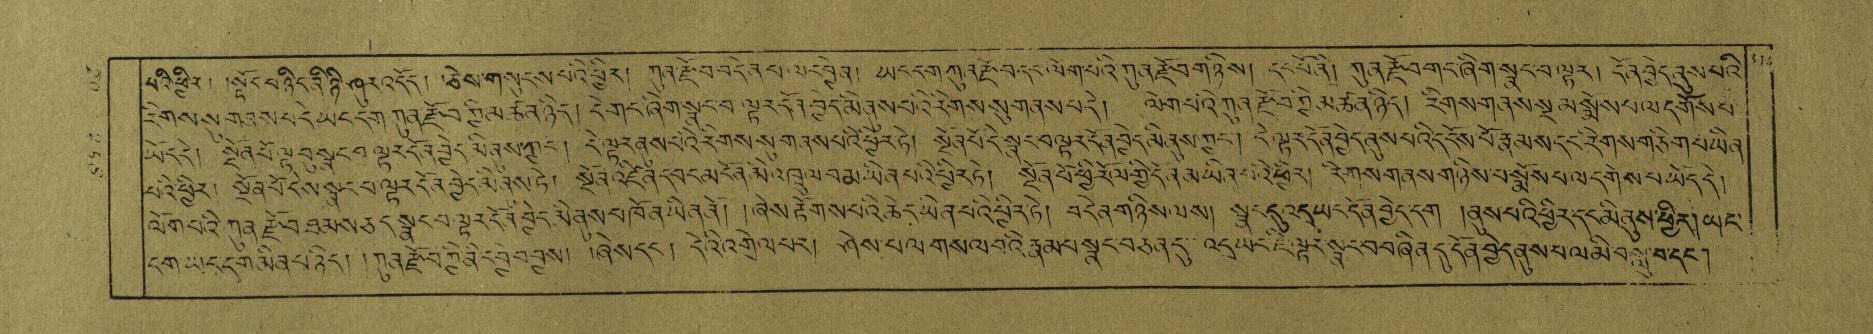པའི་ཕྱིར། །སྟོང་པ་ཉིད་ནི་ཉི་ཤུར་འདོད། །ཅེས་གསུངས་པའི་ཕྱིར། ཀུན་རྫོབ་བདེན་པ་ལ་དབྱེ་ན། ཡང་དག་ཀུན་རྫོབ་དང་ལོག་པའི་ཀུན་རྫོབ་གཉིས། དང་པོ་ནི། ཀུན་རྫོབ་གང་ཞིག་སྣང་བ་ལྟར། དོན་བྱེད་ནུས་པའི་
རིགས་སུ་གནས་པ་དེ་ཡང་དག་ཀུན་རྫོབ་ཀྱི་མཚན་ཉིད། དེ་གང་ཞིག་སྣང་བ་ལྟར་དོན་བྱེད་མི་ནུས་པའི་རིགས་སུ་གནས་པ་དེ། ལོག་པའི་ཀུན་རྫོབ་ཀྱི་མཚན་ཉིད། རིགས་གནས་སྔ་མ་སྨོས་པ་ལ་དགོས་པ་
ཡོད་དེ། སྔོན་པོ་ལྟ་བུ་སྣང་བ་ལྟར་དོན་བྱེད་མི་ནུས་ཀྱང་། དེ་ལྟར་ནུས་པའི་རིགས་སུ་གནས་པའི་ཕྱིར་ཏེ། སྔོན་པོ་དེ་སྣང་བ་ལྟར་དོན་བྱེད་མི་ནུས་ཀྱང་། དེ་ལྟར་དོན་བྱེད་ནུས་པའི་དངོས་པོ་རྣམས་དང་རིགས་གཅིག་པ་ཡིན་
པའི་ཕྱིར། སྔོན་པོ་དེས་སྣང་བ་ལྟར་དོན་བྱེད་མི་ནུས་ཏེ། སྔོན་འཛིན་དབང་མངོན་མི་འཁྲུལ་བ་མ་ཡིན་པའི་ཕྱིར་ཏེ། སྔོན་པོ་ཕྱི་རོལ་གྱི་དོན་མ་ཡིན་པའི་ཕྱིར། རིགས་གནས་གཉིས་པ་སྨོས་པ་ལ་དགོས་པ་ཡོད་དེ།
ལོག་པའི་ཀུན་རྫོབ་ཐམས་ཅད་སྣང་བ་ལྟར་དོན་བྱེད་མི་ནུས་པ་ཁོ་ན་ཡིན་ནོ། །ཞེས་རྟོགས་པའི་ཆེད་ཡིན་པའི་ཕྱིར་ཏེ། བདེན་གཉིས་ལས། སྣང་དུ་འདྲ་ཡང་དོན་བྱེད་དག །ནུས་པའི་ཕྱིར་དང་མི་ནུས་ཕྱིར། ཡང་
དག་ཡང་དག་མིན་པ་ཉིད། །ཀུན་རྫོབ་ཀྱི་ནི་དབྱེ་བ་བྱས། །ཞེས་དང་། དེའི་འགྲེལ་པར། ཤེས་པ་ལ་གསལ་བའི་རྣམ་པ་སྣང་བ་ཅན་དུ་འདྲ་ཡང་ཇི་ལྟར་སྣང་བ་བཞིན་དུ་དོན་བྱེད་ནུས་པ་ལ་མི་བསླུ་བ་དང་།